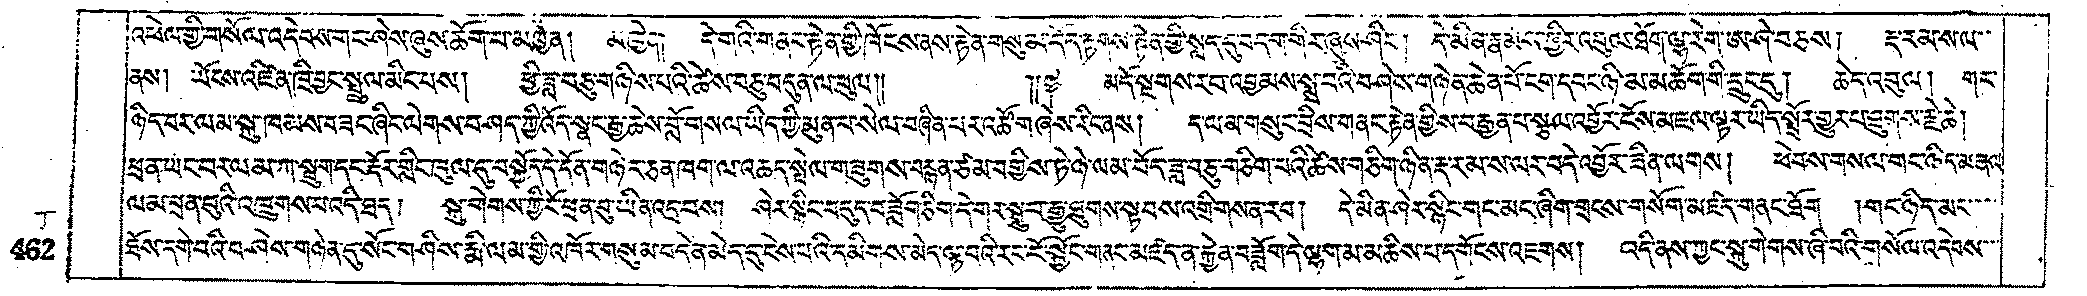འཕེལ་གྱི་གསོལ་འདེབས་གང་ཤེས་ཞུས་ཆོག་པ་མཁྱེན། མཁྱེན། དེ་གའི་གནང་རྟེན་གྱི་ཁོངས་ནས་རྟེན་གསུམ་དོད་རྟགས་རྟེན་གྱི་སླད་དུ་བདག་གིར་ཞུས་ཤིང་། དེ་མིན་རྣམས་ཕྱིར་འབུལ་ཐོག་ལྷ་རེག་ཨ་ཤེས་བཅས། རྡ་རམ་ས་ལ་་་
ནས། ཡོངས་འཛིན་ཁྲི་བྱང་སྤྲུལ་མིང་པས། ཕྱི་ཟླ་བཅུ་གཉིས་པའི་ཚེས་བཅུ་བདུན་ལ་ཕུལ།། །།འ་མདོ་སྔགས་རབ་འབྱམས་སྨྲ་བའི་བཤེས་གཉེན་ཆེན་པོ་ངག་དབང་ཉི་མ་མཆོག་གི་དྲུང་དུ། ཆེད་འབུལ། གང་
ཉིད་བར་ལམ་སྐུ་ཁམས་བཟང་ཞིང་ལེགས་བཤད་ཀྱི་འོད་སྣང་རྒྱ་ཆེས་བློ་གསལ་ཡིད་ཀྱི་མུན་པ་སེལ་བཞིན་པར་འཚོ་གཞེས་རིང་ནས། ད་ལམ་གསུང་བྲིས་གནང་རྟེན་གྱིས་བརྒྱན་པ་སྩལ་འབྱོར་ངོས་མཇལ་ལྟར་ཡིད་སྤྲོར་གྱུར་པ་ཐུགས་རྗེ་ཆེ།
ཕྲན་ཡང་བར་ལམ་ཀ་སྦུག་དང་རྡོར་གླིང་ཁུལ་དུ་བསྐྱོད་དེ་དོན་གཉེར་ཅན་ཁག་ལ་འཆད་སྤེལ་གཟུགས་བརྙན་ཙམ་བགྱིས་ཏེ་ཉེ་ལམ་བོད་ཟླ་བཅུ་གཅིག་པའི་ཚེས་གཅིག་ཉིད་རྡ་རམ་ས་ལར་བདེ་འབྱོར་ཟིན་ལགས། ཕེབས་གསལ་གང་ཉིད་མནལ་
ལམ་ཕྲན་བུའི་འཁྲུགས་པ་འདི་ཐད། སྐུ་གེགས་ཀྱི་ངོ་ཕྲན་བུ་ཡིན་འདྲ་བས། ཤེར་སྙིང་བདུད་བཟློག་ཅིག་དེ་གར་སྒྲུབ་རྒྱུ་ཐུགས་སྟབས་འགྲིགས་ན་རབ། དེ་མིན་ཤེར་སྙིང་གང་མང་ཞིག་གྲངས་གསོག་མཛད་གནང་ཐོག །གང་ཉིད་མང་་་
ཐོས་དགེ་བའི་བཤེས་གཉེན་དུ་སོང་གཤིས་རྨི་ལམ་གྱི་འཁོར་གསུམ་བདེན་མེད་དུ་ངེས་པའི་དམིགས་མེད་ལྟ་བའི་རང་ངོ་སྐྱོང་གནང་མཛད་ན་རྐྱེན་བཟློག་དེ་ལྷག་མ་མཆིས་པ་དགོངས་འཇགས། འདི་ནས་ཀྱང་སྐུ་གེགས་ཞི་བའི་གསོལ་འདེབས་་་